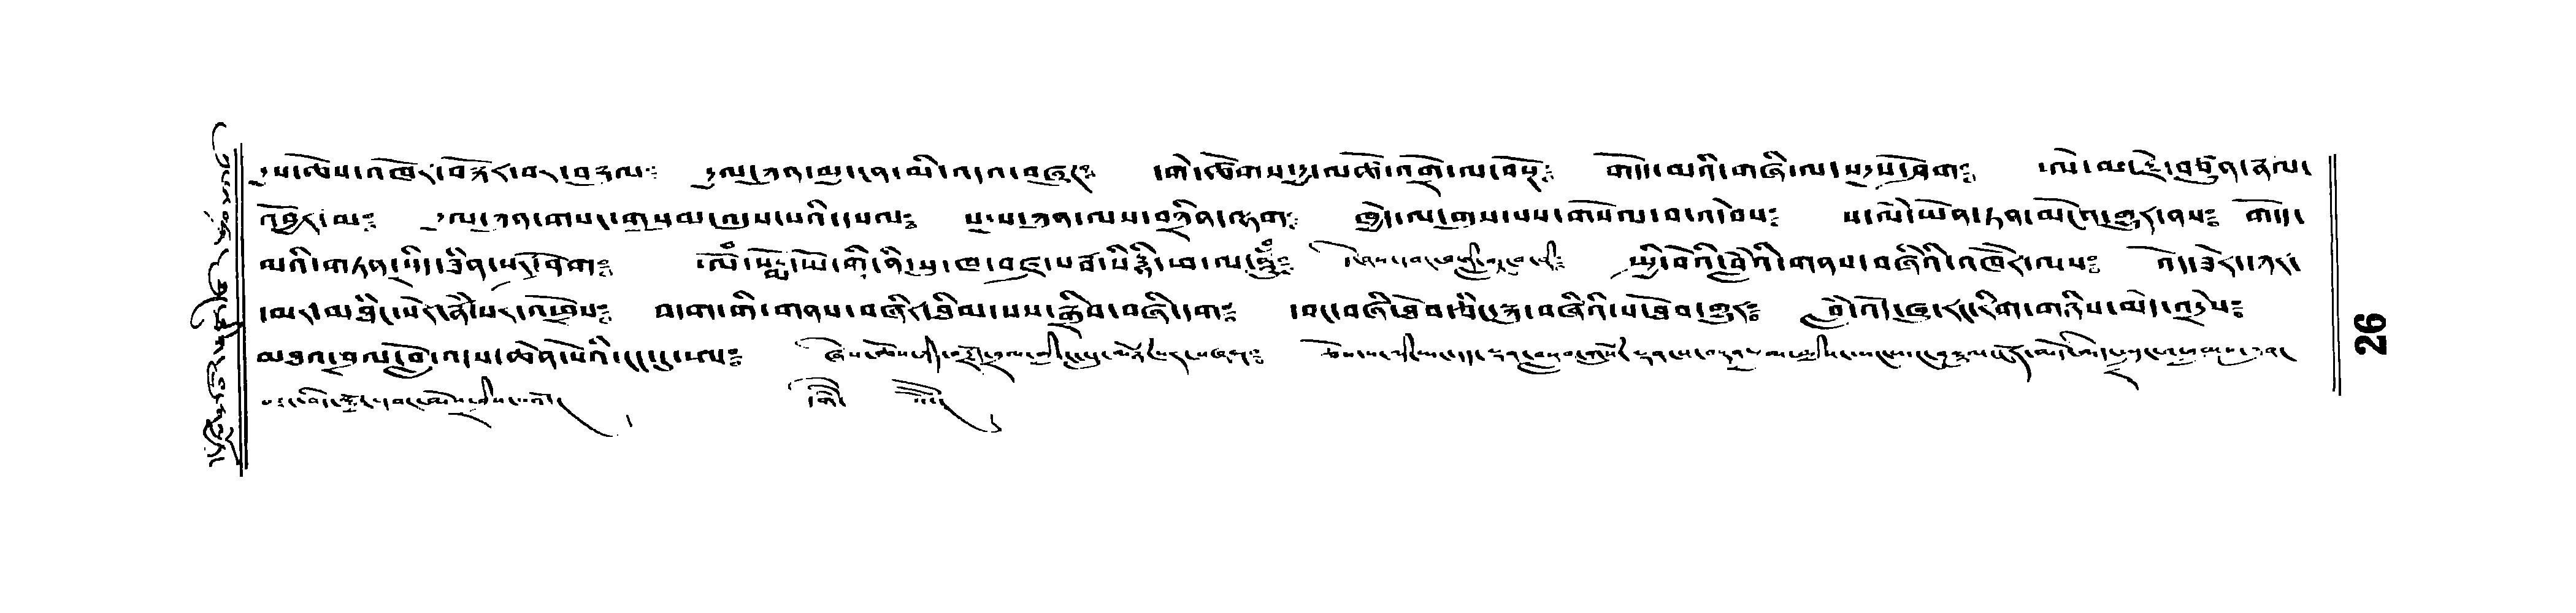རྒྱས་ཆོས་འཁོར་བསྐོར་བར་བསྐུལ༔ རྒྱལ་ཀུན་མྱ་ངན་མི་འདའ་བཞུགས༔ དགེ་ཚོགས་རྒྱ་མཚོ་འགྲོ་ལ་བསྔོ༔ གདོད་མའི་གཞི་ལ་སངས་རྒྱས་ཤོག༔ ཨེ་མ་རྗེ་བཙུན་རྣལ་
འབྱོར་མ༔ རྒྱལ་ཀུན་གསང་གསུམ་འདུས་པའི་དཔལ༔ སངས་རྒྱས་ཀུན་ལས་བཀའ་དྲིན་ལྷག༔ ཁྱེད་ལ་གུས་པས་གསོལ་བ་འདེབས༔ ས་ལམ་ཡོན་ཏན་མངོན་གྱུར་ནས༔ གདོད་
མའི་གཏན་སྲིད་ཟིན་པར་ཤོག༔ ཨོཾ་པདྨོ་ཡོ་གཱི་ནི་སུ་ཁ་བཛྲ་སརྦ་སིདྡྷི་ཕ་ལ་ཧཱུྃ༔ དེ་ནས་དབང་བཞི་བླང་བ་ནི༔ སྤྱི་བོའི་བླ་མའི་གནས་བཞིའི་འཁོར་ལོ་ལས༔ འོད་ཟེར་དཀར་
དམར་མཐིང་སེར་རྣམ་པར་འཕྲོས༔ བདག་གི་གནས་བཞིར་ཐིམ་པས་སྒྲིབ་བཞི་དག༔ དབང་བཞི་ཐོབ་ཅིང་སྐུ་བཞིའི་ས་ཐོབ་གྱུར༔ བླ་མ་འོད་ཞུ་རང་རིག་གཉིས་མེད་འདྲེས༔ 
མཐའ་བྲལ་བློ་འདས་ཆེན་པོའི་ངང་དུ་ཨཱཿ ཞེས་ཆོས་ཉིད་བརྗོད་བྲལ་གྱི་ངང་དུ་མཉམ་པར་བཞག༔ཅེས་པ་འདི་ཡང་དད་ལྡན་བསླབ་གསུམ་ལྡན་པ་བསྟན་རྒྱལ་གྱིས་ཡང་ཡང་བསྐུལ་ངོར་མདོ་མེད་སྤྲང་འཁྱམས་ཀུན་
བཟང་བདེ་སྐྱོང་དབང་མོས་བྲིས་པའོ།། དགེའོ།།